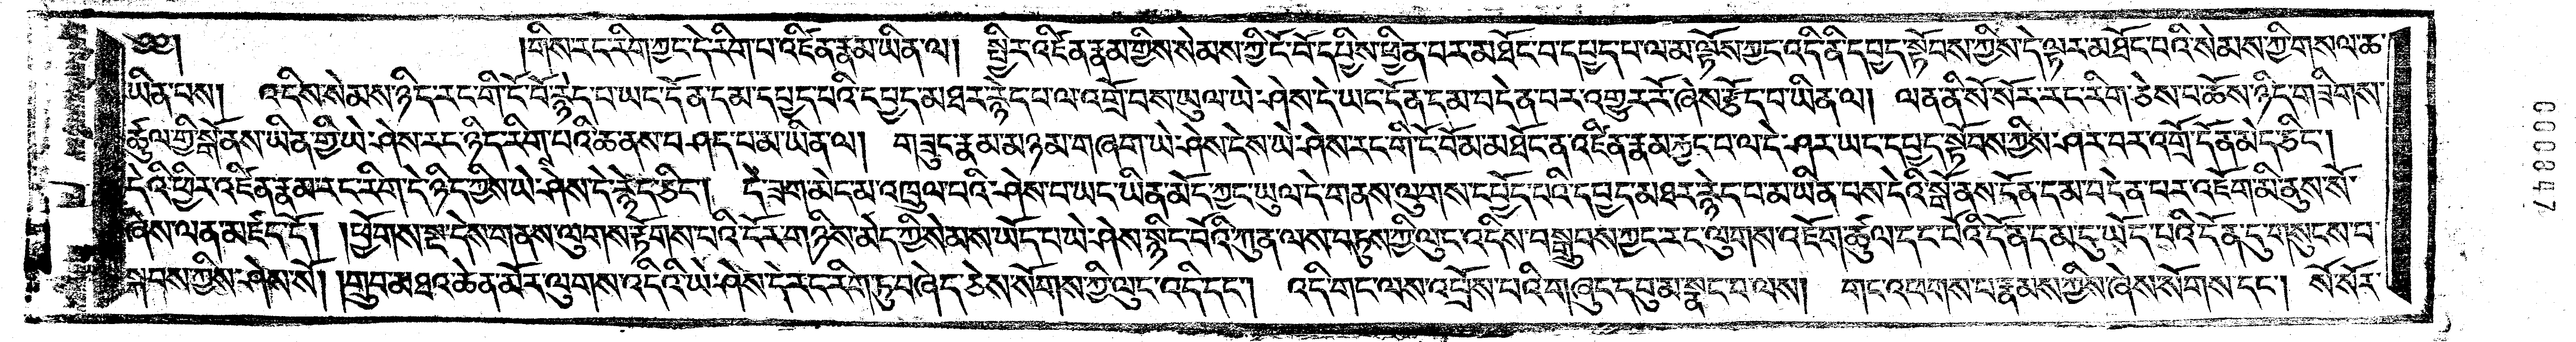༄༅། །གིས་རང་རིག་ཀྱང་དེ་རིག་པ་འཛིན་རྣམ་ཡིན་ལ། སྤྱིར་འཛིན་རྣམ་གྱིས་སེམས་ཀྱི་ངོ་བོ་དཔྱིས་ཕྱིན་པར་མཐོང་བ་དཔྱད་པ་ལ་མ་ལྟོས་ཀྱང་འདི་ནི་དཔྱད་སྟོབས་ཀྱིས་དེ་ལྟར་མཐོང་བའི་སེམས་ཀྱི་གསལ་ཆ་
ཡིན་པས། འདིས་སེམས་ཉིད་རང་གི་ངོ་བོ་རྙེད་པ་ཡང་དོན་དམ་དཔྱད་པའི་དཔྱད་མཐར་རྙེད་པ་ལ་འགྲོ་བས་ཡུལ་ཡེ་ཤེས་དེ་ཡང་དོན་དམ་བདེན་པར་འགྱུར་རོ་ཞེས་རྩོད་པ་ཡིན་ལ། ལན་ནི་སོ་སོར་རང་རིག་ཅེས་པ་ཆོས་ཉིད་གཟིགས་
ཚུལ་གྱི་སྒོ་ནས་ཡིན་གྱི་ཡེ་ཤེས་རང་ཉིད་རིགས་པའི་ཆ་ནས་བཤད་པ་མ་ཡིན་ལ། གཟུང་རྣམ་མཉམ་གཞག་ཡེ་ཤེས་དེས་ཡེ་ཤེས་རང་གི་ངོ་བོ་མ་མཐོང་ན་འཛིན་རྣམ་རྐྱང་པ་ལ་དེ་ཤར་ཡང་དཔྱད་སྟོབས་ཀྱིས་ཤར་བར་འགྲོ་དོན་མེད་ཅིང་།
དེའི་ཕྱིར་འཛིན་རྣམ་རང་རིག་དེ་ཉིད་ཀྱིས་ཡེ་ཤེས་དེ་རྙེད་ཅིང་། དེ་ཟག་མེད་མ་འཁྲུལ་པའི་ཤེས་པ་ཡང་ཡིན་མོད་ཀྱང་ཡུལ་དེ་གནས་ལུགས་དཔྱོད་པའི་དཔྱད་མཐར་རྙེད་པ་མ་ཡིན་པས་དེའི་སྒོ་ནས་དོན་དམ་བདེན་པར་འཇོག་མི་ནུས་སོ་
ཞེས་ལན་མཛད་དོ། །ཕྱོགས་སྔ་དེས་གནས་ལུགས་རྟོགས་པའི་ངོར་གཉིས་མེད་ཀྱི་སེམས་ཡོད་པ་ཡེ་ཤེས་སྙིང་པོའི་ཀུན་ལས་བཏུས་ཀྱི་ལུང་འདིས་བསྒྲུབས་ཀྱང་རང་ལུགས་འཇོག་ཚུལ་དང་པོའི་དོན་དམ་དུ་ཡོད་པའི་དོན་དུ་གསུངས་པ་
སྐབས་ཀྱིས་ཤེས་སོ། །གྲུབ་མཐའ་ཆེན་མོར་ལུགས་འདིའི་ཡེ་ཤེས་དེ་རང་རིག་ཏུ་བཞེད་ཅེས་སོགས་ཀྱི་ལུང་འདི་དང་། འདི་གང་ལས་འཕྲོས་པའི་གཞུང་དབུ་མ་སྣང་བ་ལས། གང་འཕགས་པ་རྣམས་ཀྱིས་ཞེས་སོགས་དང་། སོ་སོར་